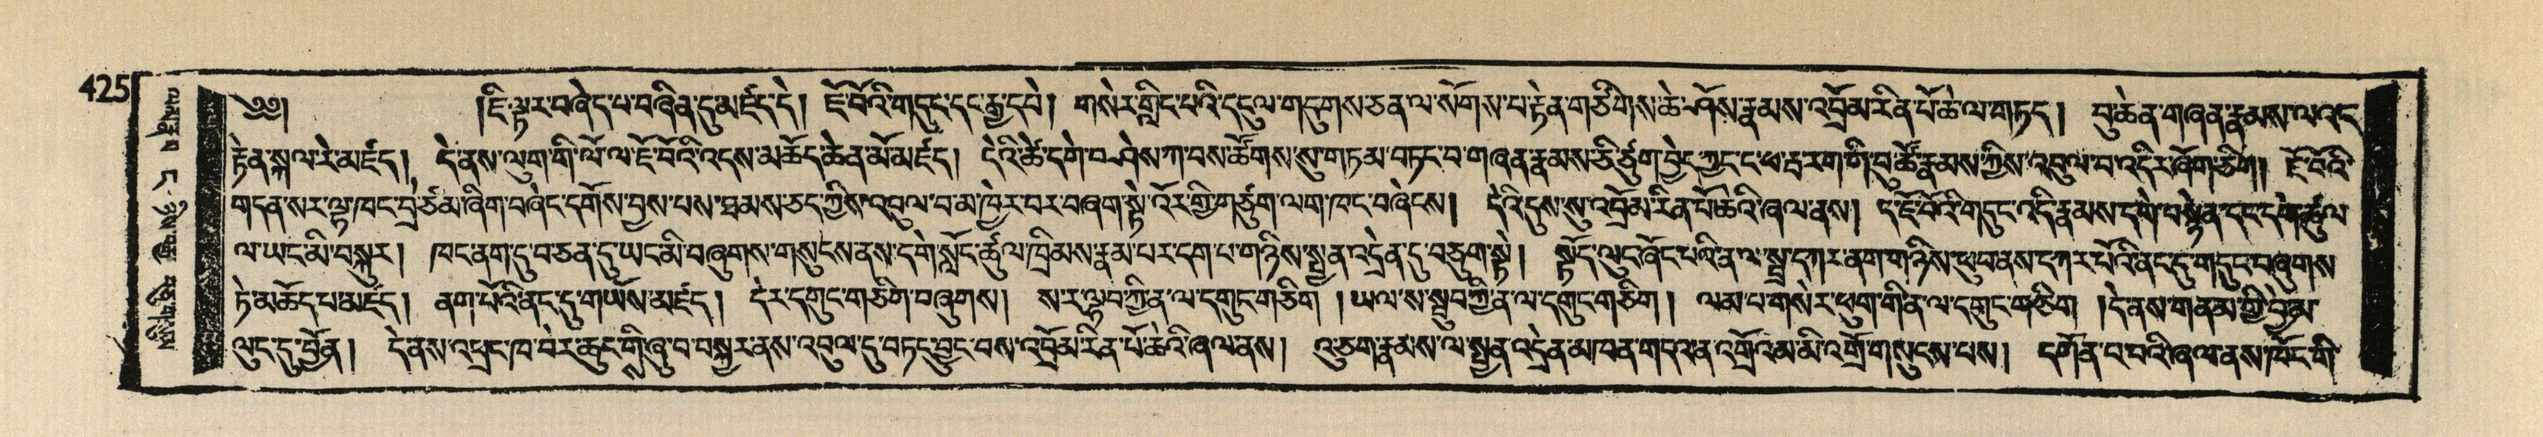༄༅། །ཇི་ལྟར་བཞེད་པ་བཞིན་དུ་མཛད་དེ། ཇོ་བོའི་གདུང་དང་རྒྱ་དཔེ། གསེར་གླིང་པའི་དངུལ་གདུགས་ཅན་ལ་སོགས་པ་རྟེན་གཙིགས་ཆེ་ཤོས་རྣམས་འབྲོམ་རིན་པོ་ཆེ་ལ་གཏད། བུ་ཆེན་གཞན་རྣམས་ལའང་
རྟེན་སྐལ་རེ་མཛད། དེ་ནས་ལུག་གི་ལོ་ལ་ཇོ་བོའི་འདས་མཆོད་ཆེན་མོ་མཛད། དེའི་ཚེ་དགེ་བཤེས་ཀ་བས་ཚོགས་སུ་གཏམ་བཏང་བ་གཞན་རྣམས་ཅི་ཙུག་བྱེད་ཀྱང་ང་ཕ་རྦ་རག་གི་བུ་ཚོ་རྣམས་ཀྱིས་འབུལ་བ་འདིར་ཞོག་ཅིག། ཇོ་བོའི་
གདན་སར་ལྷ་ཁང་བྲེ་ཙམ་ཞིག་བཞེང་དགོས་བྱས་པས་ཐམས་ཅད་ཀྱིས་འབུལ་བ་མ་ཁྱེར་བར་བཞག་སྟེ་འོར་གྱི་གཙུག་ལག་ཁང་བཞེངས། དེའི་དུས་སུ་འབྲོམ་རིན་པོ་ཆེའི་ཞལ་ནས། ད་ཇོ་བོའི་གདུང་འདི་རྣམས་དགེ་བསྙེན་དང་དགེ་ཚུལ་
ལ་ཡང་མི་བསྐུར། ཁང་ནག་དུ་བ་ཅན་དུ་ཡང་མི་བཞུགས་གསུངས་ནས་དགེ་སློང་ཚུལ་ཁྲིམས་རྣམ་པར་དག་པ་གཉིས་སྤྱན་འདྲེན་དུ་བཅུག་སྟེ། སྟོད་ལུང་ཞོང་པའི་ན་ལ་སྦྲ་དཀར་ནག་གཉིས་ཕུབ་ནས་དཀར་པོའི་ནང་དུ་གདུང་བཞུགས་
ཏེ་མཆོད་པ་མཛད། ནག་པོའི་ནང་དུ་གཡོས་མཛད། དེར་དགུང་གཅིག་བཞུགས། ས་ར་ལྷབ་ཀྱི་ན་ལ་དགུང་གཅིག །ཡལ་ས་སྦུབ་ཀྱི་ན་ལ་དགུང་གཅིག །ལམ་པ་གསེར་ཕུག་གི་ན་ལ་དགུང་གཅིག །དེ་ནས་གནམ་གྱི་བྱེ་མ་
ལུང་དུ་བྱོན། དེ་ནས་འཕྲང་ཁ་བེར་ཆུང་གིས་ཞུ་བ་བསྐྱར་ནས་འབུལ་དུ་བཏང་བྱུང་བས་འབྲོམ་རིན་པོ་ཆེའི་ཞལ་ནས། འུ་ཅག་རྣམས་ལ་སྤྱན་འདྲེན་མཁན་གདའ་ན་འགྲོའམ་མི་འགྲོ་གསུངས་པས། དགོན་བ་བའི་ཞལ་ནས་ཁོང་གི་